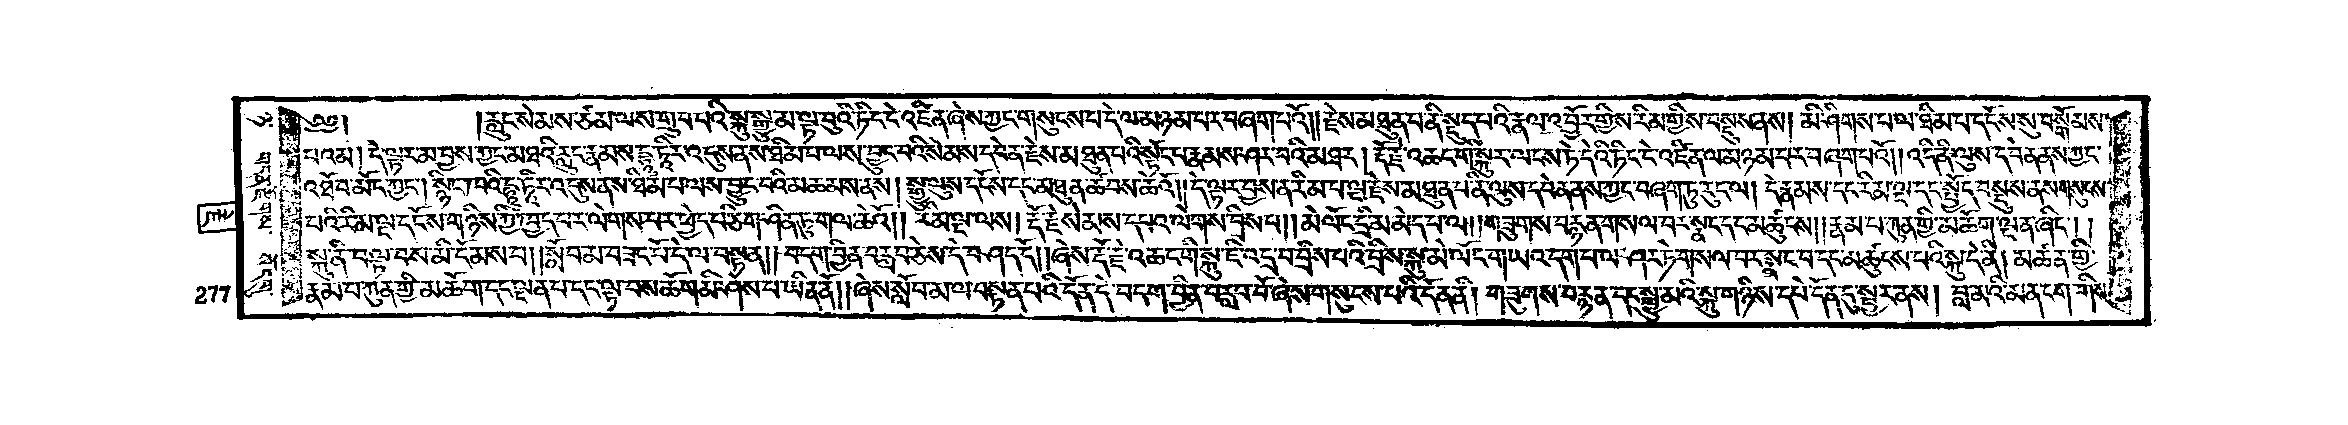༄༅། །རླུང་སེམས་ཙམ་ལས་གྲུབ་པའི་སྐུ་སྒྱུ་མ་ལྟ་བུའི་ཏིང་ངེ་འཛིན་ཞེས་ཀྱང་གསུངས་པ་དེ་ལ་མཉམ་པར་བཞག་པའོ། །རྗེས་མཐུན་པ་ནི་སྡུད་པའི་རྣལ་འབྱོར་གྱིས་རིམ་གྱིས་བསྡུས་ནས། མི་ཤིགས་པ་ལ་ཐིམ་པ་དངོས་སུ་བསྒོམས་
པའམ། དེ་ལྟར་མ་བྱས་ཀྱང་མཐའི་རླུང་རྣམས་དྷཱུ་ཏཱིར་འདུས་ནས་ཐིམ་པ་ལས་བྱུང་བའི་སེམས་དབེན་རྗེས་མཐུན་པའི་སྟོང་པ་རྣམས་ཤར་བའི་མཐར། རྡོ་རྗེ་འཆང་གི་སྐུར་ལངས་ཏེ་དེའི་ཏིང་ངེ་འཛིན་ལ་མཉམ་པར་བཞག་པའོ། །འདི་ནི་ལུས་དབེན་ནས་ཀྱང་
འཐོབ་མོད་ཀྱང་། སྙིང་ཁའི་དྷཱུ་ཏཱིར་འདུས་ནས་ཐིམ་པ་ལས་བྱུང་བའི་མཚམས་ནས། སྒྱུ་ལུས་དངོས་དང་མཐུན་ཚབས་ཆེའོ། །དེ་ལྟར་བྱས་ན་རིམ་པ་ལྔ་རྗེས་མཐུན་པ་ནི་ལུས་དབེན་ནས་ཀྱང་བཞག་ཏུ་རུང་ལ། དེ་རྣམས་དང་རིམ་ལྔ་དང་སྤྱོད་བསྡུས་ནས་གསུངས་
པའི་རིམ་ལྔ་དངོས་གཉིས་ཀྱི་ཁྱད་པར་ལེགས་པར་ཕྱེད་པ་ཅིག་ཤིན་ཏུ་གལ་ཆེའོ། །རིམ་ལྔ་ལས། རྡོ་རྗེ་སེམས་དཔའ་ལེགས་བྲིས་པ། །མེ་ལོང་དྲི་མ་མེད་པ་ལ། །གཟུགས་བརྙན་གསལ་བར་སྣང་དང་མཚུངས། །རྣམ་པ་ཀུན་གྱི་མཆོག་ལྡན་ཞིང་། །
སྐུ་ནི་བལྟ་བས་མི་ངོམས་པ། །སློབ་མ་བཟང་པོ་དེ་ལ་བསྟན། །བདག་བྱིན་བརླབ་ཅེས་དེ་བཤད་དོ། །ཞེས་རྡོ་རྗེ་འཆང་གི་སྐུ་ཇི་འདྲ་བ་བྲིས་པའི་བྲིས་སྐུ་མེ་ལོང་གཡའ་དག་པ་ལ་ཤར་ཏེ་གསལ་བར་སྣང་བ་དང་མཚུངས་པའི་སྐུ་དེ་ནི། མཚན་གྱི་
རྣམ་པ་ཀུན་གྱི་མཆོག་དང་ལྡན་པ་དང་ལྟ་བས་ཆོག་མི་ཤེས་པ་ཡིན་ནོ། །ཞེས་སློབ་མ་ལ་བསྟན་པའི་དོན་དེ་བདག་བྱིན་བརླབ་བོ་ཞེས་གསུངས་པའི་དོན་ནི། གཟུགས་བརྙན་དང་སྒྱུ་མའི་སྐུ་གཉིས་དཔེ་དོན་དུ་སྦྱར་ནས། བླ་མའི་མན་ངག་གིས་